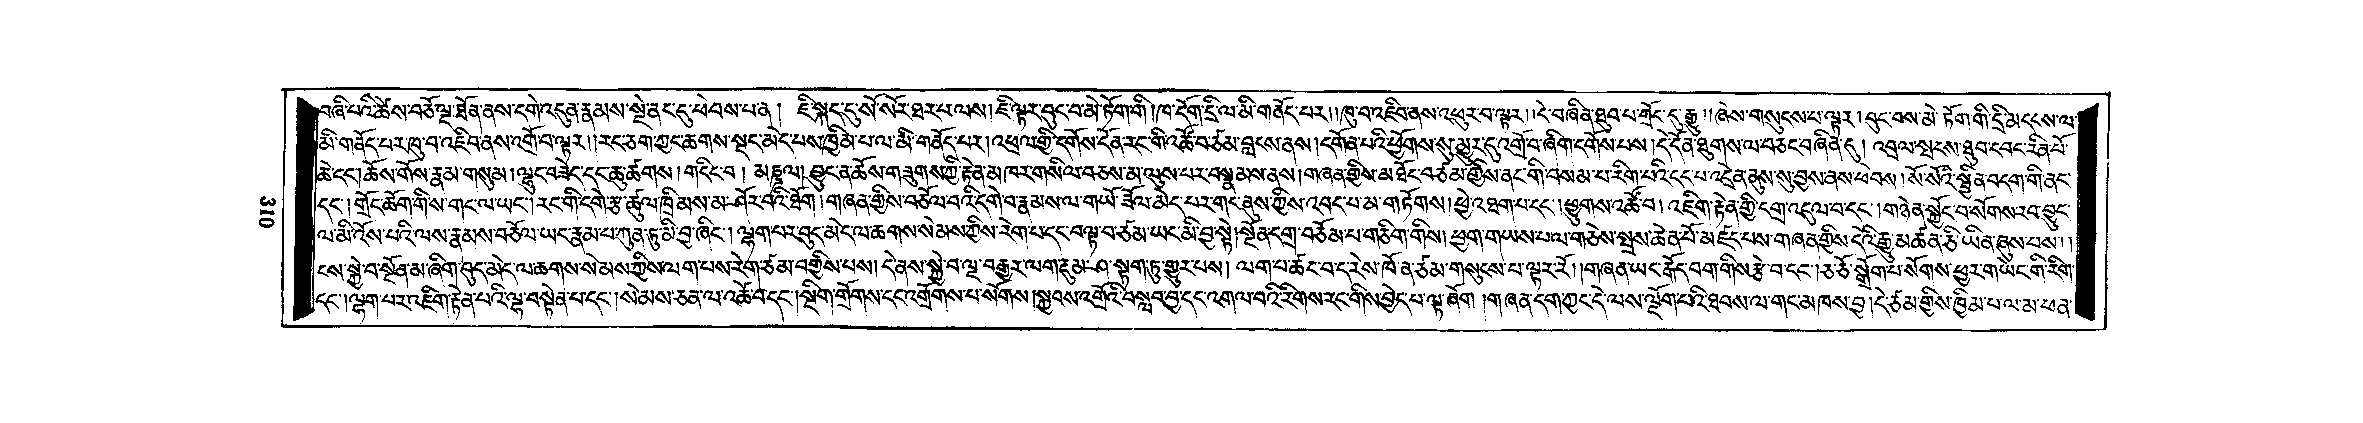བཞི་པའི་ཚེས་བཅོ་ལྔ་ཐོན་ནས་དགེ་འདུན་རྣམས་སྡེ་ནང་དུ་ཕེབས་པ་ན། ཇི་སྐད་དུ་སོ་སོར་ཐར་པ་ལས། ཇི་ལྟར་བུང་བ་མེ་ཏོག་གི །ཁ་དོག་དྲི་ལ་མི་གནོད་པར། །ཁུ་བ་འཇིབ་ནས་འཕུར་བ་ལྟར། །དེ་བཞིན་ཐུབ་པ་གྲོང་དུ་རྒྱུ། །ཞེས་གསུངས་པ་ལྟར། བུང་བས་མེ་ཏོག་གི་དྲི་མདངས་ལ་
མི་གནོད་པར་ཁུ་བ་འཇིབ་ནས་འགྲོ་བ་ལྟར། །རང་ཅག་ཀྱང་ཆགས་སྡང་མེད་པས་ཁྱིམ་པ་ལ་མི་གནོད་པར། འཕྲལ་གྱི་དགོས་དོན་རང་གི་འཚོ་བ་ཙམ་བླངས་ནས། དགོན་པའི་ཕྱོགས་སུ་མྱུར་དུ་འགྲོ་བ་ཞིག་དགོས་པས། དེ་དོན་ཐུགས་ལ་བཅང་བཞིན་དུ། འབྲལ་སྤངས་ཐུབ་དབང་རིན་པོ་
ཆེ་དང་། ཆོས་གོས་རྣམ་གསུམ། ལྷུང་བཟེད་དང་ཆུ་ཚགས། གདིང་བ། མཎྜལ། བྱུང་ན་ཆོས་གཟུགས་ཀྱི་རྟེན་མཁར་གསིལ་བཅས་མ་ལུས་པར་བསྣམས་ནས། གཞན་གྱིས་མཐོང་བཙམ་གྱིས་ནང་གི་བསམ་པ་རིག་པའི་དད་པ་འདྲེན་ནུས་སུ་བྱས་ནས་ཕེབས། སོ་སོའི་སྦྱིན་བདག་གི་ནང་
དང་། གྲོང་ཆོག་གིས་གང་ལ་ཡང་། རང་གི་དགེ་རྩ་ཚུལ་ཁྲིམས་མ་ཤོར་བའི་ཐོག །གཞན་གྱིས་བཅོལ་བའི་དགེ་བ་རྣམས་ལ་གཡོ་ཟོལ་མེད་པར་གང་ནུས་ཀྱིས་འབད་པ་མ་གཏོགས། ཕེ་འཐག་པ་དང་། ཕྱུགས་འཚོ་བ། འཇིག་རྟེན་གྱི་དགྲ་འདུལ་བ་དང་། གཉེན་སྐྱོང་བ་སོགས་རབ་བྱུང་
ལ་མི་འོས་པའི་ལས་རྣམས་བཅོལ་ཡང་རྣམ་པ་ཀུན་ཏུ་མི་བྱ་ཞིང་། ལྷག་པར་བུད་མེད་ལ་ཆགས་སེམས་ཀྱིས་རེག་པ་དང་བལྟ་བ་ཙམ་ཡང་མི་བྱ་སྟེ། སྔོན་དགྲ་བཅོམ་པ་གཅིག་གིས། ཕྱག་གཡས་པ་ལ་གཅེས་སྤྲས་ཆེན་པོ་མཛད་པས་གཞན་གྱིས་དེའི་རྒྱུ་མཚན་ཅི་ཡིན་ཞུས་པས། །
ངས་སྐྱེ་བ་སྔོན་མ་ཞིག་བུད་མེད་ལ་ཆགས་སེམས་ཀྱིས་ལག་པས་རེག་ཙམ་བགྱིས་པས། དེ་ནས་སྐྱེ་བ་ལྔ་བརྒྱར་ལག་རྡུམ་ཤ་སྟག་ཏུ་གྱུར་པས། ལག་པ་ཚང་བ་ད་རེས་ཁོ་ན་ཙམ་གསུངས་པ་ལྟར་རོ། །གཞན་ཡང་རྒོད་བག་གིས་རྩེ་བ་དང་། ཅ་ཅོ་སྒྲོག་པ་སོགས་ཕྱར་གཡེང་གི་རིག་
དང་། ལྷག་པར་འཇིག་རྟེན་པའི་ལྷ་བསྟེན་པ་དང་། སེམས་ཅན་ལ་འཚེ་བ་དང་། སྡིག་གྲོགས་དང་འགྲོགས་པ་སོགས། སྐྱབས་འགྲོའི་བསླབ་བྱ་དང་འགལ་བའི་རིགས་རང་གིས་བྱེད་པ་ལྟ་ཞོག །གཞན་དག་ཀྱང་དེ་ལས་ལྡོག་པའི་ཐབས་ལ་གང་མཁས་བྱ། དེ་ཙམ་གྱིས་ཁྱིམ་པ་ལ་མ་ཕན་